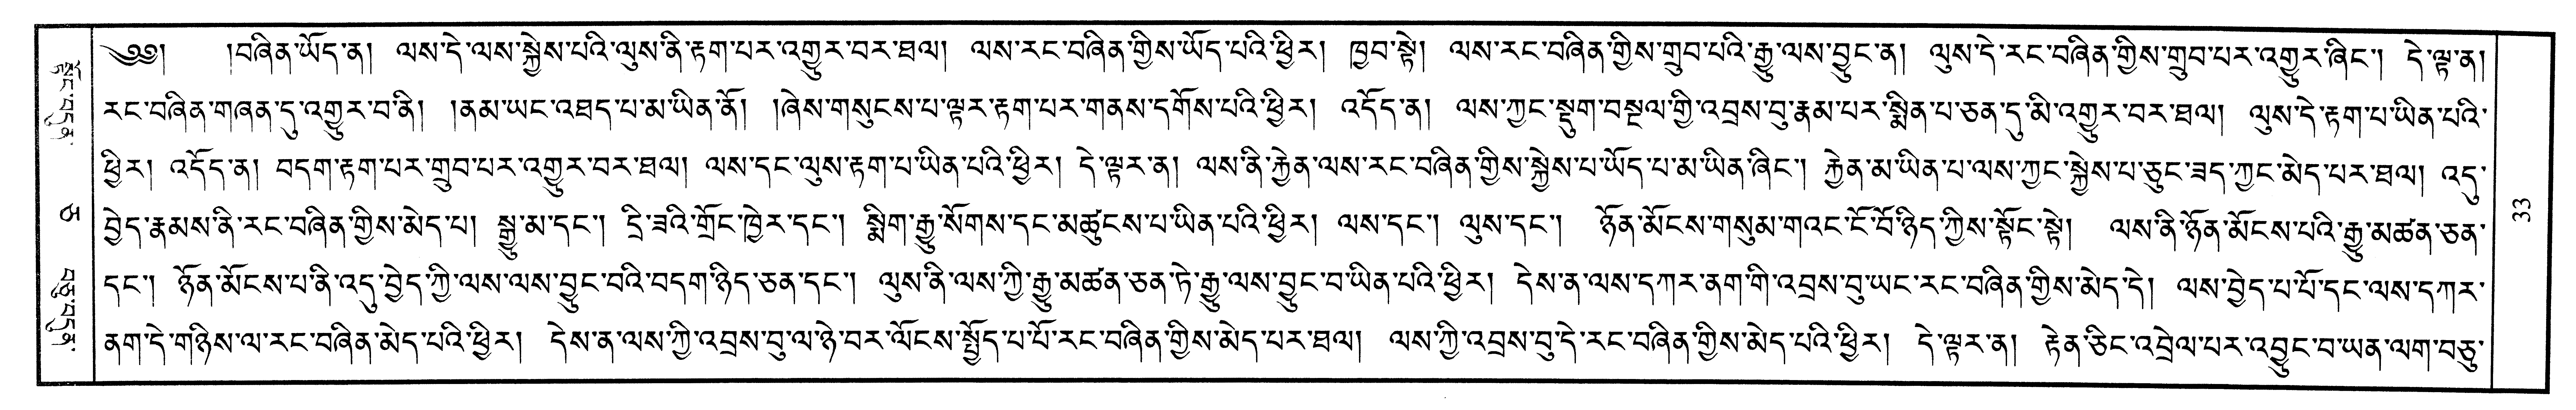༄༅། །བཞིན་ཡོད་ན། ལས་དེ་ལས་སྐྱེས་པའི་ལུས་ནི་རྟག་པར་འགྱུར་བར་ཐལ། ལས་རང་བཞིན་གྱིས་ཡོད་པའི་ཕྱིར། ཁྱབ་སྟེ། ལས་རང་བཞིན་གྱིས་གྲུབ་པའི་རྒྱུ་ལས་བྱུང་ན། ལུས་དེ་རང་བཞིན་གྱིས་གྲུབ་པར་འགྱུར་ཞིང་། དེ་ལྟ་ན།
རང་བཞིན་གཞན་དུ་འགྱུར་བ་ནི། །ནམ་ཡང་འཐད་པ་མ་ཡིན་ནོ། །ཞེས་གསུངས་པ་ལྟར་རྟག་པར་གནས་དགོས་པའི་ཕྱིར། འདོད་ན། ལས་ཀྱང་སྡུག་བསྔལ་གྱི་འབྲས་བུ་རྣམ་པར་སྨིན་པ་ཅན་དུ་མི་འགྱུར་བར་ཐལ། ལུས་དེ་རྟག་པ་ཡིན་པའི་
ཕྱིར། འདོད་ན། བདག་རྟག་པར་གྲུབ་པར་འགྱུར་བར་ཐལ། ལས་དང་ལུས་རྟག་པ་ཡིན་པའི་ཕྱིར། དེ་ལྟར་ན། ལས་ནི་རྐྱེན་ལས་རང་བཞིན་གྱིས་སྐྱེས་པ་ཡོད་པ་མ་ཡིན་ཞིང་། རྐྱེན་མ་ཡིན་པ་ལས་ཀྱང་སྐྱེས་པ་ཅུང་ཟད་ཀྱང་མེད་པར་ཐལ། འདུ་
བྱེད་རྣམས་ནི་རང་བཞིན་གྱིས་མེད་པ། སྒྱུ་མ་དང་། དྲི་ཟའི་གྲོང་ཁྱེར་དང་། སྨིག་རྒྱུ་སོགས་དང་མཚུངས་པ་ཡིན་པའི་ཕྱིར། ལས་དང་། ལུས་དང་། ཉོན་མོངས་གསུམ་གའང་ངོ་བོ་ཉིད་ཀྱིས་སྟོང་སྟེ། ལས་ནི་ཉོན་མོངས་པའི་རྒྱུ་མཚན་ཅན་
དང་། ཉོན་མོངས་པ་ནི་འདུ་བྱེད་ཀྱི་ལས་ལས་བྱུང་བའི་བདག་ཉིད་ཅན་དང་། ལུས་ནི་ལས་ཀྱི་རྒྱུ་མཚན་ཅན་ཏེ་རྒྱུ་ལས་བྱུང་བ་ཡིན་པའི་ཕྱིར། དེས་ན་ལས་དཀར་ནག་གི་འབྲས་བུ་ཡང་རང་བཞིན་གྱིས་མེད་དེ། ལས་བྱེད་པ་པོ་དང་ལས་དཀར་
ནག་དེ་གཉིས་ལ་རང་བཞིན་མེད་པའི་ཕྱིར། དེས་ན་ལས་ཀྱི་འབྲས་བུ་ལ་ཉེ་བར་ལོངས་སྤྱོད་པ་པོ་རང་བཞིན་གྱིས་མེད་པར་ཐལ། ལས་ཀྱི་འབྲས་བུ་དེ་རང་བཞིན་གྱིས་མེད་པའི་ཕྱིར། དེ་ལྟར་ན། རྟེན་ཅིང་འབྲེལ་པར་འབྱུང་བ་ཡན་ལག་བཅུ་